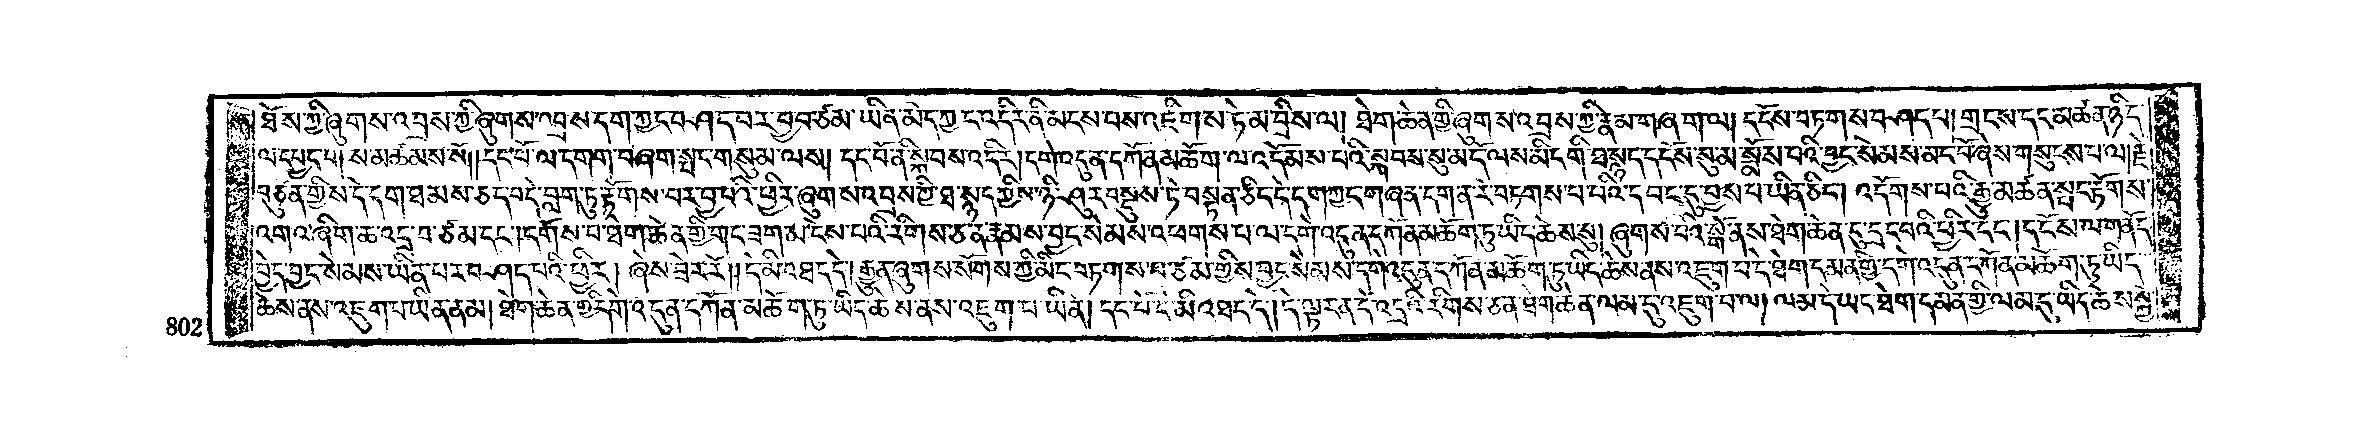ཐོས་ཀྱི་ཞུགས་འབྲས་ཀྱི་ཞུགས་འབྲས་དག་ཀྱང་བཤད་པར་བྱ་བ་ཙམ་ཡིན་མེད་ཀྱང་འདིར་ནི་མངས་བས་འཇིགས་ཏེ་མ་བྲིས་ལ། ཐེག་ཆེན་གྱི་ཞུགས་འབྲས་ཀྱི་རྣམ་གཞག་ལ། དངོས་བཏགས་བཤད་པ། གྲངས་དང་མཚན་ཉིད་
ལ་དཔྱད་པ། ས་མཚམས་སོ། །དང་པོ་ལ་དགག་བཞག་སྤང་གསུམ་ལས། དང་པོ་ནི་སྐབས་འདིར། དགེ་འདུན་དཀོན་མཆོག་ལ་འདོམས་པའི་སྐབས་སུ་མདོ་ལས་མིང་གི་ཐ་སྙད་དངོས་སུ་མ་སྨོས་པའི་བྱང་སེམས་མང་པོ་ཞེས་གསུངས་པ་ལ། རྗེ་
བཙུན་གྱིས་དེ་དག་ཐམས་ཅད་བདེ་བླག་ཏུ་རྟོགས་པར་བྱ་བའི་ཕྱིར་ཞུགས་འབྲས་ཀྱི་ཐ་སྙད་ཀྱིས་ཉི་ཤུར་བསྡུས་ཏེ་བསྟན་ཅིང་དེ་དག་ཀྱང་གཞན་དག་ན་རེ་བཏགས་པ་པའི་དབང་དུ་བྱས་པ་ཡིན་ཅིང་། འདོགས་པའི་རྒྱུ་མཚན་སྤང་རྟོགས་
འགའ་ཞིག་ཆ་འདྲ་བ་ཙམ་དང་། དགོས་པ་ཐེག་ཆེན་གྱི་གང་ཟག་མ་ངེས་པའི་རིགས་ཅན་རྣམས་བྱང་སེམས་འཕགས་པ་ལ་དགེ་འདུན་དཀོན་མཆོག་ཏུ་ཡིད་ཆེས་སུ། ཞུགས་པའི་སྒོ་ནས་ཐེག་ཆེན་དུ་དྲང་བའི་ཕྱིར་དང་། དངོས་ལ་གནོད་
བྱེད་བྱང་སེམས་ཡིན་པར་བཤད་པའི་ཕྱིར། ཞེས་ཟེར་རོ། །དེ་མི་འཐད་དེ། རྒྱུན་ཞུགས་སོགས་ཀྱི་མིང་བཏགས་པ་ཙམ་གྱིས་བྱང་སེམས་དགེ་འདུན་དཀོན་མཆོག་ཏུ་ཡིད་ཆེས་ནས་འཇུག་པ་དེ་ཐེག་དམན་གྱི་དགེ་འདུན་དཀོན་མཆོག་ཏུ་ཡིད་
ཆེས་ནས་འཇུག་པ་ཡིན་ནམ། ཐེག་ཆེན་གྱི་དགེ་འདུན་དཀོན་མཆོག་ཏུ་ཡིད་ཆེས་ནས་འཇུག་པ་ཡིན། དང་པོ་དེ་མི་འཐད་དེ། དེ་ལྟར་ན་དེ་འདྲའི་རིགས་ཅན་ཐེག་ཆེན་ལམ་དུ་འཇུག་པ་ལ། ལམ་དེ་ཡང་ཐེག་དམན་གྱི་ལམ་དུ་ཡིད་ཆེས་སྐྱེ་